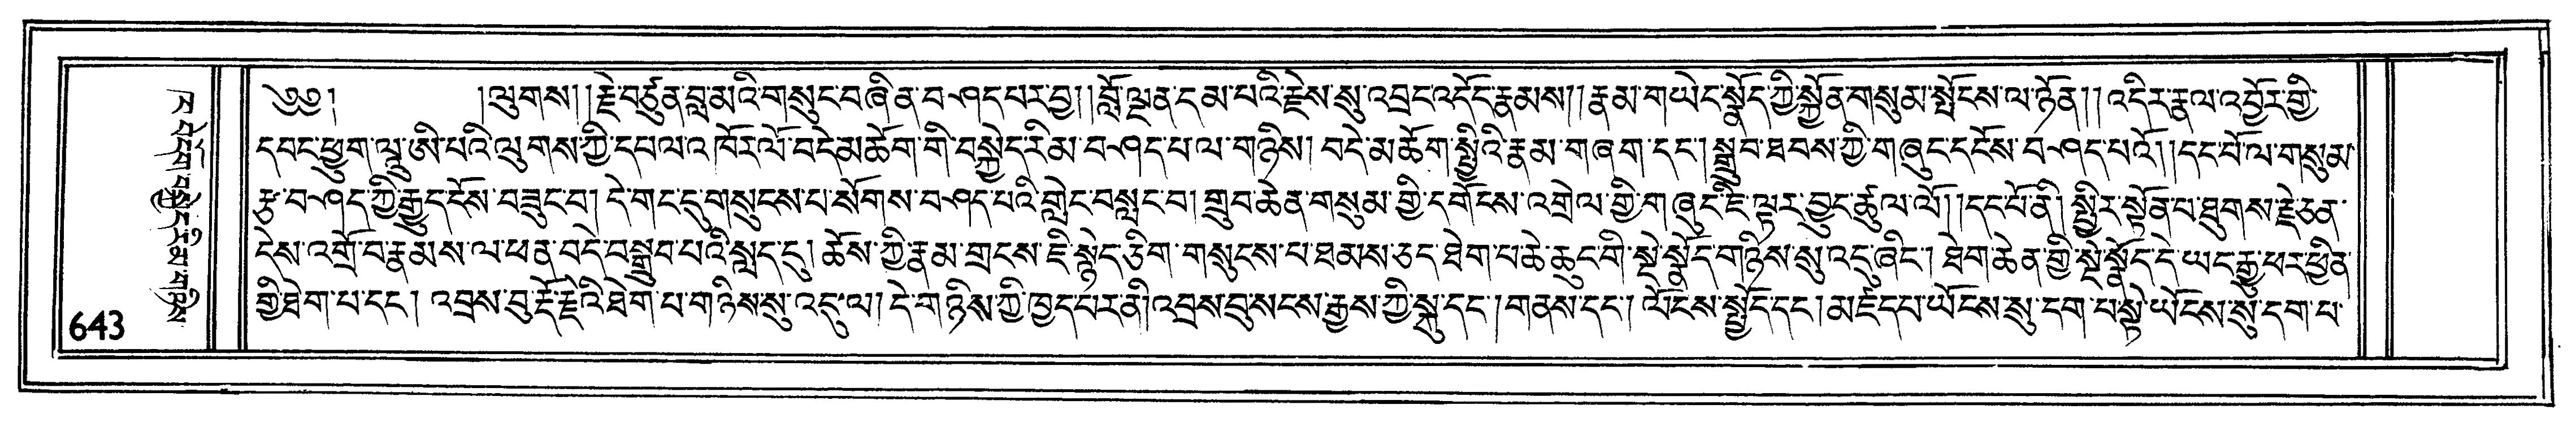༄༅། །ལུགས། །རྗེ་བཙུན་བླ་མའི་གསུང་བཞིན་བཤད་པར་བྱ། །བློ་ལྡན་དམ་པའི་རྗེས་སུ་འབྲང་འདོད་རྣམས། །རྣམ་གཡེང་སྣོད་ཀྱི་སྐྱོན་གསུམ་སྤོངས་ལ་ཉོན། །འདིར་རྣལ་འབྱོར་གྱི་
དབང་ཕྱུག་ལཱུ་ཨི་པའི་ལུགས་ཀྱི་དཔལ་འཁོར་ལོ་བདེ་མཆོག་གི་བསྐྱེད་རིམ་བཤད་པ་ལ་གཉིས། བདེ་མཆོག་སྤྱིའི་རྣམ་གཞག་དང་། སྒྲུབ་ཐབས་ཀྱི་གཞུང་དངོས་བཤད་པའོ། །དང་པོ་ལ་གསུམ་
རྩ་བཤད་ཀྱི་རྒྱུད་ངོས་བཟུང་བ། དེ་གང་དུ་གསུངས་པ་སོགས་བཤད་པའི་གླེང་བསླང་བ། གྲུབ་ཆེན་གསུམ་གྱི་དགོངས་འགྲེལ་གྱི་གཞུང་ཇི་ལྟར་བྱུང་ཚུལ་ལོ། །དང་པོ་ནི། སྤྱིར་སྟོན་པ་ཐུགས་རྗེ་ཅན་
དེས་འགྲོ་བ་རྣམས་ལ་ཕན་བདེ་བསྒྲུབ་པའི་སླད་དུ། ཆོས་ཀྱི་རྣམ་གྲངས་ཇི་སྙེད་ཅིག་གསུངས་པ་ཐམས་ཅད་ཐེག་པ་ཆེ་ཆུང་གི་སྡེ་སྣོད་གཉིས་སུ་འདུ་ཞིང་། ཐེག་ཆེན་གྱི་སྡེ་སྣོད་དེ་ཡང་རྒྱུ་ཕར་ཕྱིན་
གྱི་ཐེག་པ་དང་། འབྲས་བུ་རྡོ་རྗེའི་ཐེག་པ་གཉིས་སུ་འདུ་ལ། དེ་གཉིས་ཀྱི་ཁྱད་པར་ནི། འབྲས་བུ་སངས་རྒྱས་ཀྱི་སྐུ་དང་། གནས་དང་། ལོངས་སྤྱོད་དང་། མཛད་པ་ཡོངས་སུ་དག་པ་སྟེ་ཡོངས་སུ་དག་པ་